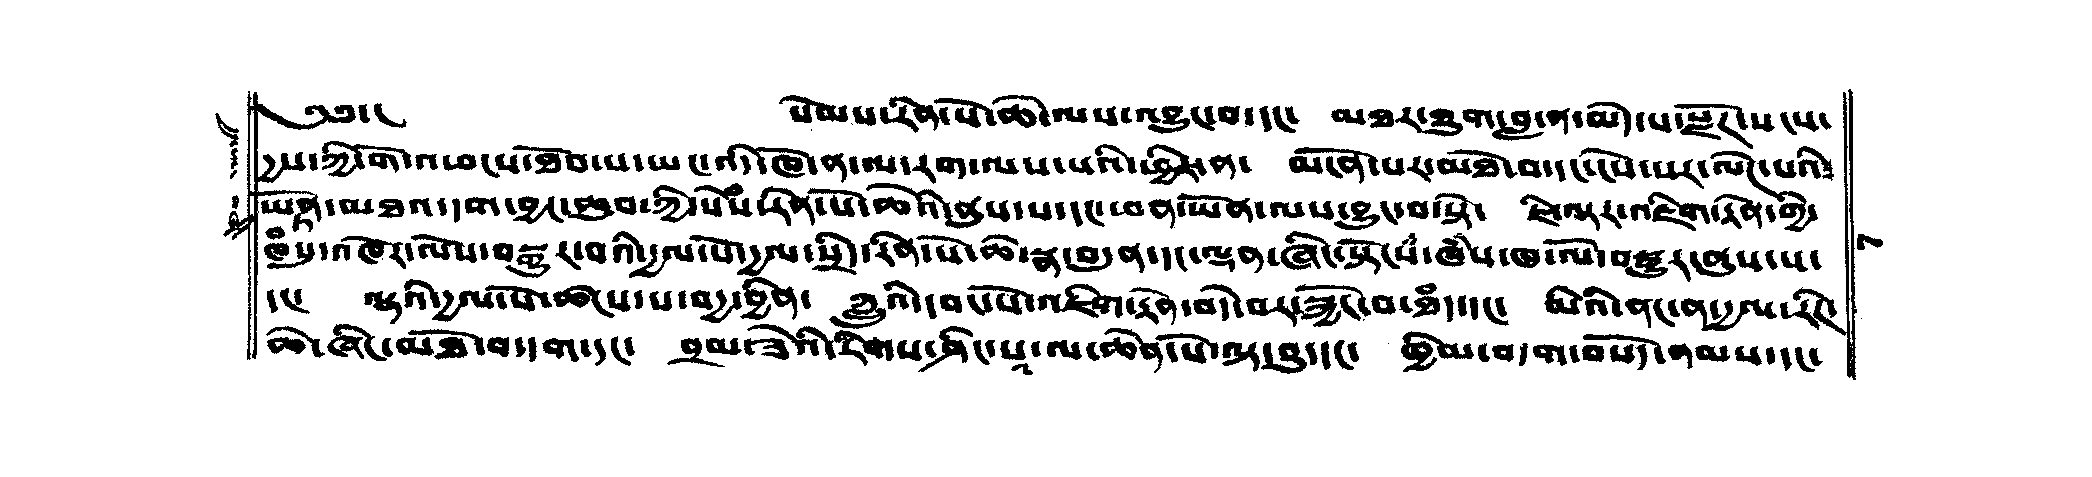སེམས་རིན་པོ་ཆེ་ལས་འབྱུང་བ་དང་། མཐར་ཐུག་བླ་ན་མེད་པ་རྫོགས་སངས་
རྒྱས་ཀྱི་གོ་འཕང་ཐོབ་པ་ཡང་འདི་ཁོ་ནས་ལ་རག་ལས་པའི་ཕྱིར་ན། མངོན་པར་མཐོ་བ་དང་ངེས་པར་ལེགས་པའི་
ཡོན་ཏན་མཐའ་དག་བྱང་ཆུབ་ཀྱི་སེམས་རིན་པོ་ཆེའི་ནུས་པ་དང་ཕན་ཡོན་ལས་བྱུང་བ་སྟེ། ཇི་ལྟར་འཇིག་རྟེན་གྱི་
ཁམས་སུ་འཁོར་ལོས་བསྒྱུར་བའི་རྒྱལ་པོ་རྒྱལ་སྲིད་རིན་པོ་ཆེ་སྣ་བདུན་དང་ལྡན་ཞིང་སྟོང་ཁམས་ཁ་ལོ་བསྒྱུར་ནུས་པ་
དང་། ལྷའི་རྒྱལ་པོ་ཚངས་པ་བརྒྱ་བྱིན། ཀླུའི་དབང་པོ་འཇིག་རྟེན་བདེ་བར་སྐྱོང་བ་ཐམས་ཅད་དང་། མིའི་ནང་ན་རྒྱལ་རིགས་
ཆེ་ཞིང་མཐོ་བ་དག་དང་། བྲམ་ཟེའི་རིགས་ཤིང་པཱ་ལ་ཆེན་པོ་ལྟ་བུ་དང་།ཁྱིམ་བདག་བསོད་ནམས་དང་